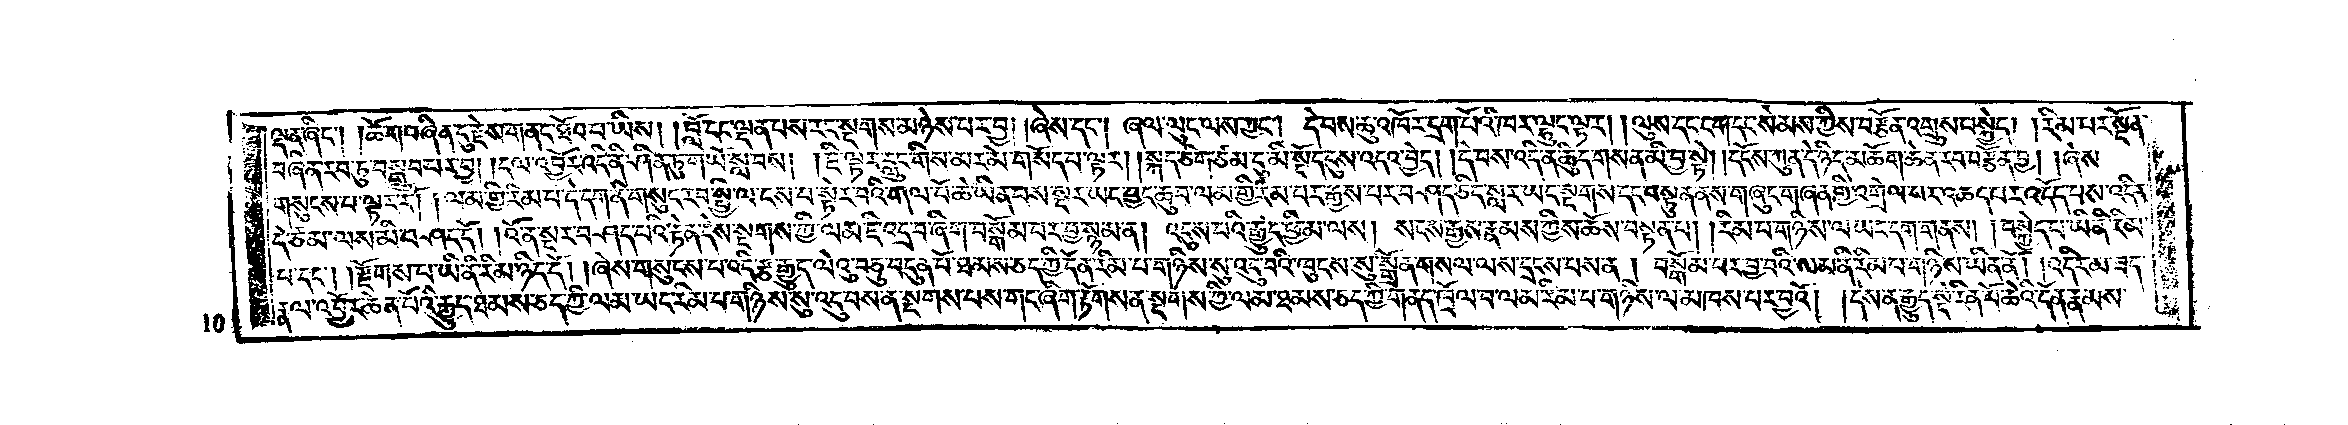ལྡན་ཞིང་། །ཆོ་ག་བཞིན་དུ་རྗེས་གནང་ཐོབ་པ་ཡིས། །བློ་དང་ལྡན་པས་རང་སྔགས་མཉེས་པར་བྱ། །ཞེས་དང་། ཞལ་ལུང་ལས་ཀྱང་། དེ་བས་ཆུ་འཁོར་དྲག་པོའི་ཁར་ལྷུང་ལྟར། །ལུས་དང་ངག་དང་སེམས་ཀྱིས་བརྩོན་འགྲུས་བསྐྱེད། །རིམ་པར་སྔོན་
བཞིན་རབ་ཏུ་བསྒྲུབ་པར་བྱ། །དལ་འབྱོར་འདི་ནི་ཤིན་ཏུ་གཡོ་སླ་བས། །ཇི་ལྟར་རླུང་གིས་མར་མེ་གསོད་པ་ལྟར། །སྐད་ཅིག་ཙམ་དུ་མི་སྡོད་དུས་འདའ་བྱེད། །དེ་བས་འདི་ནི་ཆུད་གསན་མི་བྱ་སྟེ། །དངོས་ཀུན་དེ་ཉིད་མཆོག་ཆེན་རབ་བརྩོན་བྱ། །ཞེས་
གསུངས་པ་ལྟར་རོ། །ལམ་གྱི་རིམ་པ་དེ་དག་ནི་གསུང་རབ་སྤྱི་ལ་ངས་པ་སྟེར་བའི་གལ་པོ་ཆེ་ཡིན་པས་སྔར་ཡང་བྱང་ཆུབ་ལམ་གྱི་རིམ་པར་རྒྱས་པར་བཤད་ཅིང་སླར་ཡང་སྔགས་དང་བསྟུན་ནས་གཞུང་གཞན་གྱི་འགྲེལ་པར་འཆད་པར་འདོད་པས་འདིར་
དེ་ཙམ་ལས་མི་བཤད་དོ། །འོ་ན་སྔར་བཤད་པའི་རྟེན་དེས་སྔགས་ཀྱི་ལམ་ཇི་འདྲ་བ་ཞིག་བསྒོམ་པར་བྱ་སྙམ་ན། འདུས་པའི་རྒྱུད་ཕྱི་མ་ལས། སངས་རྒྱས་རྣམས་ཀྱིས་ཆོས་བསྟན་པ། །རིམ་པ་གཉིས་ལ་ཡང་དག་གནས། །བསྐྱེད་པ་ཡི་ནི་རིམ་
པ་དང་། །རྫོགས་པ་ཡི་ནི་རིམ་ཉིད་དོ། །ཞེས་གསུངས་པ་འདི་རྩ་རྒྱུད་ལེའུ་བཅུ་བདུན་པོ་ཐམས་ཅད་ཀྱི་དོན་རིམ་པ་གཉིས་སུ་འདུ་བའི་ཁུངས་སུ་སྒྲོན་གསལ་ལས་དྲངས་པས་ན། བསྒོམ་པར་བྱ་བའི་ལམ་ནི་རིམ་པ་གཉིས་ཡིན་ནོ། །འདིར་མ་ཟད་
རྣལ་འབྱོར་ཆེན་པོའི་རྒྱུད་ཐམས་ཅད་ཀྱི་ལམ་ཡང་རིམ་པ་གཉིས་སུ་འདུ་བས་ན་སྔགས་པས་གང་ཞིག་རྟོགས་ན་སྔགས་ཀྱི་ལམ་ཐམས་ཅད་ཀྱི་གནད་ཁྲོལ་བ་ལམ་རིམ་པ་གཉིས་ལ་མཁས་པར་བྱའོ། །དེས་ན་རྒྱུད་སྡེ་རིན་པོ་ཆེའི་དོན་རྣམས་